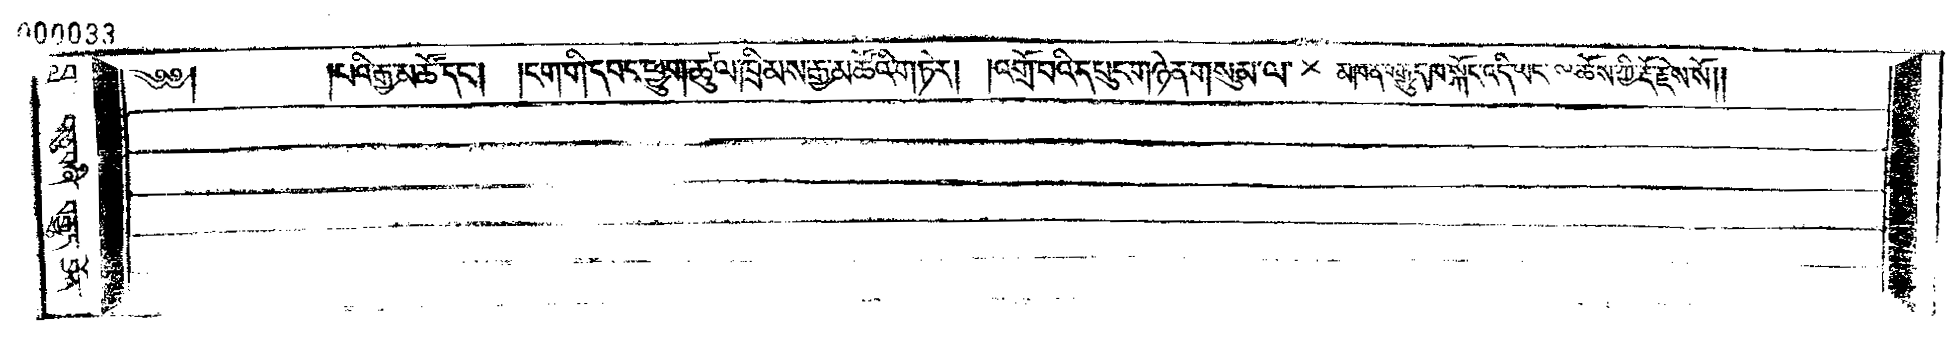༄༅། །པའི་རྒྱ་མཚོ་དང་། །ངག་གི་དབང་ཕྱུག་ཚུལ་ཁྲིམས་རྒྱ་མཚོའི་གཏེར། །འགྲོ་བའི་དཔུང་གཉེན་གསུམ་ལ྾་མཁན་བརྒྱུད་ཁ་སྐོང་འདི་ཡང་༧་ཆོས་ཀྱི་རྡོ་རྗེས་སོ། །